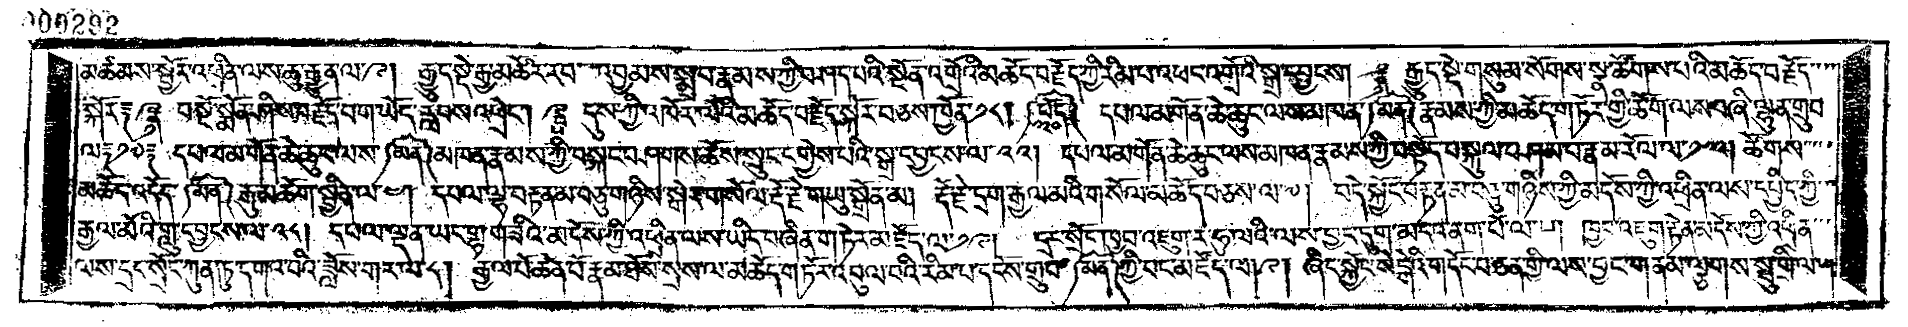མཚམས་སྦྱོར་འཕྲིན་ལས་ཆུ་རྒྱུན་ལ ༩། རྒྱུད་སྡེ་རྒྱ་མཚོར་རབ་འབྱམས་སྨྲ་བ་རྣམས་ཀྱི་བཤད་པའི་སྔོན་འགྲོའི་མཆོད་བརྗོད་ཀྱི་རིམ་པ་འཕང་འགྲོའི་སྒྲ་དབྱངས། ༡ན༡་རྒྱུད་སྡེ་གསུམ་སོགས་སྣ་ཚོགས་པའི་མཆོད་བརྗོད་
སྐོར༑ ༩ན༡་བསྔོ་སྨོན་ཤིས་བརྗོད་བག་ཡོད་རླབས་འཕྲེང་། ༩བ༥་དུས་ཀྱི་འཁོར་ལོའི་མཆོད་བརྗོད་སྐོར་བཅས་ཁྱོན ༡༨། ༼པོད༣༠༽ དཔལ་མགོན་ཆེ་ཆུང་ལས་མཁན ༼མན༽ རྣམས་ཀྱི་མཆོད་གཏོར་གྱི་ཆོ་ག་ལས་བཞི་ལྷུན་གྲུབ་
ལ༑ ༡༧༑ དཔལ་མགོན་ཆེ་ཆུང་ལས ༼མན༽ མཁན་རྣམས་ཀྱི་བསྐང་བཤགས་ཆོས་སྲུང་དགྱེས་པའི་སྒྲ་དབྱངས་ལ ༢༢། དཔལ་མགོན་ཆེ་ཆུང་ལས་མཁན་རྣམས་ཀྱི་བསྟོད་བསྐུལ་བཤམ་པ་རྣམ་རོལ་ལ ༡༣། ཚོགས་
མཆོད་འདོད ༼མན༽ རྒུ་མཆོག་སྦྱིན་ལ ༤། དཔལ་ལྷ་བརྟན་མ་བཅུ་གཉིས་སྒེར་གསོལ་རྡོ་རྗེ་གཡུ་སྒྲོན་མ། རྡོ་རྗེ་དྲག་རྒྱལ་མའི་གསོལ་མཆོད་བཅས་ལ ༧། བདེ་སྐྱོང་བརྟན་མ་བཅུ་གཉིས་ཀྱི་མདོས་ཀྱི་འཕྲིན་ལས་དཔྱིད་ཀྱི་
རྒྱལ་མོའི་གླུ་དབྱངས་ལ ༢༨། དཔལ་ལྡན་ཡང་གྷ་གཟའི་མདོས་ཀྱི་འཕྲིན་ལས་ཡིད་བཞིན་གཏེར་མཛོད་ལ ༡༩། དྲང་སྲོང་ཁྱབ་འཇུག་ར་ཧུ་ལའི་ལས་བྱང་དུག་མདའ་ནག་པོ་ལ ༥། ཁྱབ་འཇུག་རྟེན་མདོས་ཀྱི་འཕྲིན་
ལས་དྲང་སྲོང་ཀུན་ཏུ་དགའ་བའི་ཟློས་གར་ལ ༨། རྒྱལ་པོ་ཆེན་པོ་རྣམ་ཐོས་སྲས་ལ་མཆོད་གཏོར་འབུལ་བའི་རིམ་པ་དངོས་གྲུབ ༼མན༽ ཀྱི་བང་མཛོད་ལ། ༩། ཞིང་སྐྱོང་སེངྒེའི་གདོང་བ་ཅན་གྱི་ལས་བྱང་གནམ་ལྕགས་སྤུ་གྲི་ལ ༥